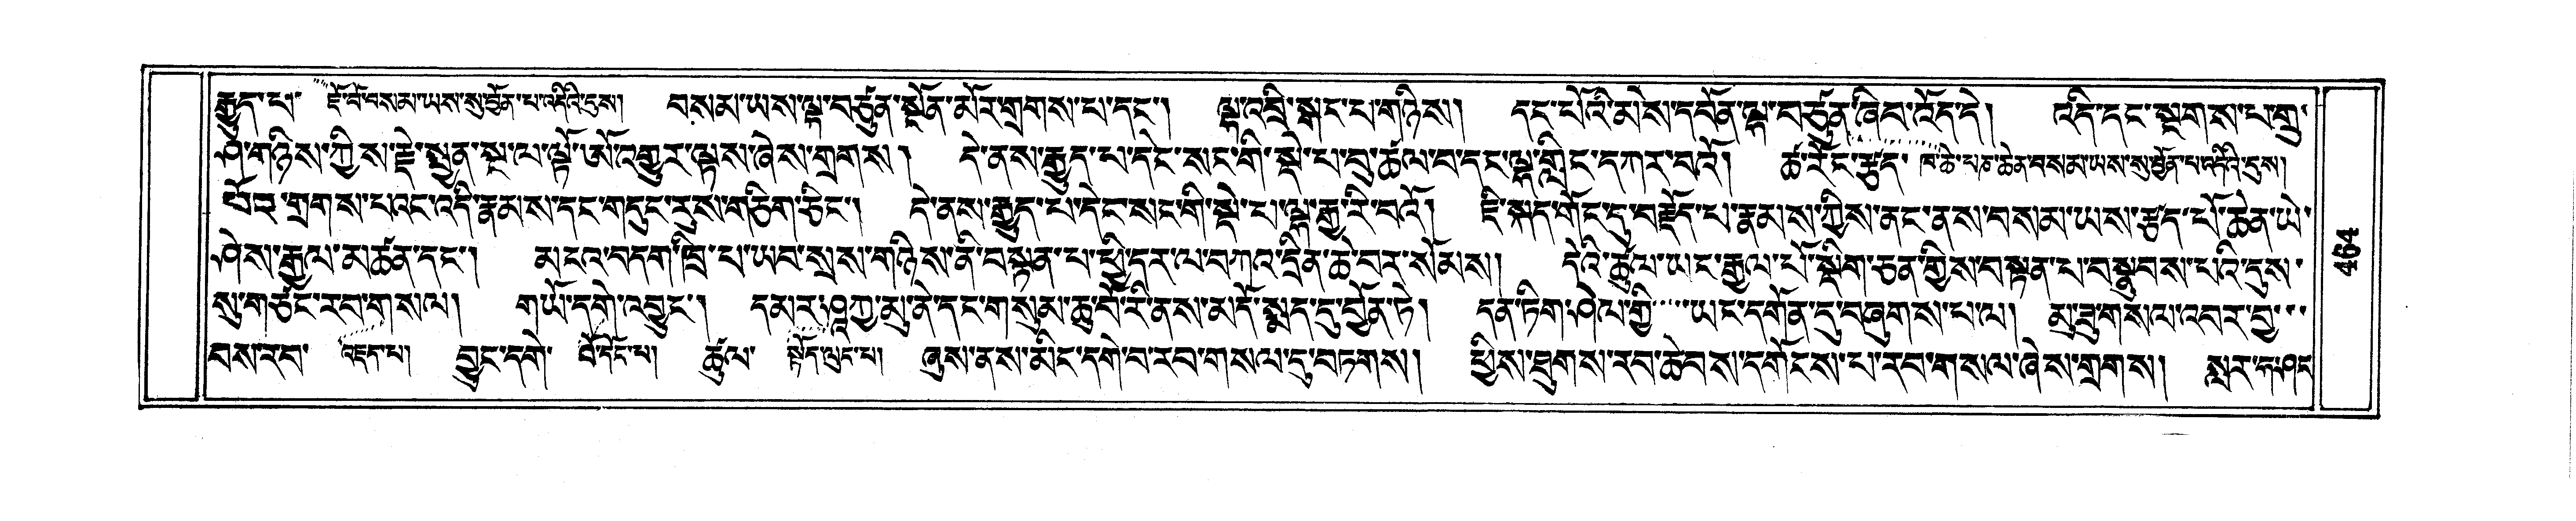རྒྱུད་པ་ཇོ་བོ་བསམ་ཡས་སུ་བྱོན་པ་འདིའི་དུས།  བསམ་ཡས་ལྷ་བཙུན་སྔོན་མོར་གྲགས་པ་དང་། ལྷ་འབྲི་སྒང་པ་གཉིས། དང་པོའི་མེས་དབོན་ལྷ་བཙུན་ཞིབ་འོད་དེ། འདི་དང་སྔགས་པ་གྲུ་
ཤ་གཉིས་ཀྱིས་རྗེ་སྤྱན་སྔ་ལ་ལྟོ་ཨོ་འགྱུར་ལྟས་ཞེས་གྲགས། དེ་ནས་རྒྱུད་པ་དེང་སང་གི་སྡེ་པ་བུ་ཚལ་བ་དང་ལྷ་གླིང་དཀར་བའོ། ཚ་རོང་རྩད་ཁ་ཆེ་པཎ་ཆེན་བསམ་ཡས་སུ་བྱོན་པ་འདིའི་དུས།
པོར་གྲགས་པའང་འདི་རྣམས་དང་གདུང་རུས་གཅིག་ཅིང་། དེ་ནས་རྒྱུད་པ་དེང་སང་གི་སྡེ་པ་ལྷ་རྒྱ་རི་བའོ། ཇི་སྐད་གོང་དུ་བརྗོད་པ་རྣམས་ཀྱིས་ནང་ནས་བསམ་ཡས་རྩད་པོ་ཆེན་ཡེ་
ཤེས་རྒྱལ་མཚན་དང་། མངའ་བདག་ཁྲི་པ་ཡབ་སྲས་གཉིས་ནི་བསྟན་པ་ཕྱི་དར་ལ་བཀའ་དྲིན་ཆེ་བར་སོམས། དེའི་ཚུལ་ཡང་རྒྱལ་པོ་སྡིག་ཅན་གྱིས་བསྟན་པ་བསྣུབས་པའི་དུས་
སུ་གཙང་རབ་གསལ། གཡོ་དགེ་འབྱུང་། དམར་ཤཱཀྱ་མུ་ནེ་དང་གསུམ་ཆུ་བོ་རི་ནས་མདོ་སྨད་དུ་བྱོན་ཏེ། དན་ཏིག་ཤེལ་གྱི་ཡང་དགོན་དུ་བཞུགས་པ་ལ། མུ་ཟུ་གསལ་འབར་བྱ་
བས་རབ་འཇད་པ།  བྱུང་དགེ་བོ་དོང་པ། ཚུལ་སྟོད་ལུང་པ།  ཞུས་ནས་མིང་དགེ་བ་རབ་གསལ་དུ་བཏགས། ཕྱིས་ཐུགས་རབ་ཆེ་བས་དགོངས་པ་རབ་གསལ་ཞེས་གྲགས། སླར་ཧ་ཤང་